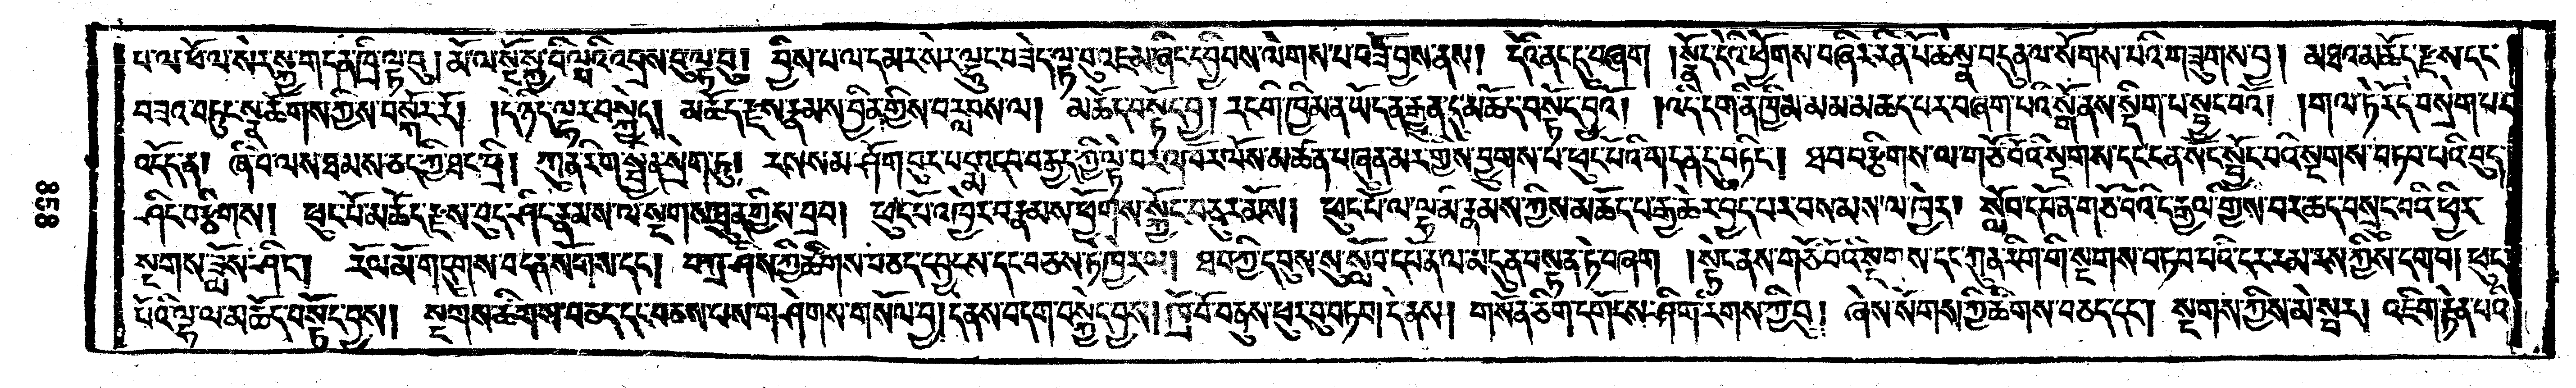པ་ལ་ཕོ་ལ་སེར་སྐྱ་གདན་ཁྲི་ལྟ་བུ། མོ་ལ་སྔོ་སྐྱ་བིལྤའི་འབྲས་བུ་ལྟ་བུ། བྱིས་པ་ལ་དམར་སེར་ལྷུང་བཟེད་ལྟ་བུ་འཇམ་ཞིང་དབྱིབས་ལེགས་པ་བཟོ་བྱས་ནས། དེའི་ནང་དུ་བཞག །སྣོད་དེའི་ཕྱོགས་བཞིར་རིན་པོ་ཆེ་སྣ་བདུན་ལ་སོགས་པའི་གཟུགས་བྱ། མཐའ་མཆོད་རྫས་དང་
བཟའ་བཏུང་སྣ་ཚོགས་ཀྱིས་བསྐོར་རོ། །དེ་ཉིད་ལྷར་བསྐྱེད། མཆོད་རྫས་རྣམས་བྱིན་གྱིས་བརླབས་ལ། མཆོད་བསྟོད་བྱ། རང་གི་ཁྱིམ་ན་ཡོད་ན་རྒྱུན་དུ་མཆོད་བསྟོང་བྱའོ། །འདི་དག་ནི་ཁྱིམ་མམ་མཆད་པར་བཞག་པའི་སྒོ་ནས་སྡིག་པ་སྦྱང་བའོ། །གལ་ཏེ་རོ་དེ་བསྲེག་པར་
འདོད་ན། ཞི་བ་ལས་ཐམས་ཅད་ཀྱི་ཐང་བྲི། ཀུན་རིག་སྦྱིན་སྲེག་ཏུ། རས་སམ་ཤོག་བུར་པདམ་འདབ་བརྒྱད་ཀྱི་ལྟེ་བར་འཁོར་ལོས་མཚན་པ་ཞུན་མར་གྱིས་བྱུགས་པ་ཕུང་པོའི་གདན་དུ་བཏིང་། ཐབ་བརྩིགས་ལ་གཙོ་བོའི་སྔགས་དང་ངན་སོང་སྦྱོང་བའི་སྔགས་བཏབ་པའི་བུད་
ཤིང་བརྩིགས། ཕུང་པོ་མཆོད་རྫས་བུད་ཤིང་རྣམས་ལ་སྔགས་ཐུན་གྱིས་བྲ་བ། ཕུང་པོ་འཁྱེར་བ་རྣམས་ཕྱོགས་སྐྱོང་བཅུར་མོས། ཕུང་པོ་ལ་ལྷ་མི་རྣམས་ཀྱིས་མཆོད་པ་རྒྱ་ཆེར་བྱད་པར་བསམས་ལ་ཁྱེར། སློབ་དཔོན་གཙོ་བོའི་ང་རྒྱལ་གྱིས་བར་ཆད་བསྲུང་བའི་ཕྱིར་
སྔགས་ཟློས་ཤིང་། རོལ་མོ་གདུགས་བ་དན་སོགས་དང་། བཀྲ་ཤིས་ཀྱི་ཚིགས་བཅད་དབྱངས་དང་བཅས་ཏེ་ཁྱེར་ལ། ཐབ་ཀྱི་དབུས་སུ་སློབ་དཔོན་ལ་མདུན་བསྟན་ཏེ་བཞག །སྟེང་ནས་གཙོ་བོའི་སྔགས་དང་ཀུན་རིག་གི་སྔགས་བཏབ་པའི་ངར་རམ་རས་ཀྱིས་དག་བ། ཕུང་
པོའི་ལྷ་ལ་མཆོད་བསྟོང་བྱས། སྔགས་ཚིགས་བཅད་དང་བཅས་པས་གཤེགས་གསོལ་བྱ། དེ་ནས་བདག་བསྐྱེད་བྱས། ཁྲོ་བོ་བཅུས་ཕུར་བུ་བཏབ། དེ་ནས། གསོན་ཅིག་དགོངས་ཤིག་རིགས་ཀྱི་བུ། ཞེས་སོགས་ཀྱི་ཚིགས་བཅད་དང་། སྔགས་ཀྱིས་མེ་སྦར། འཇིག་རྟེན་པའི་